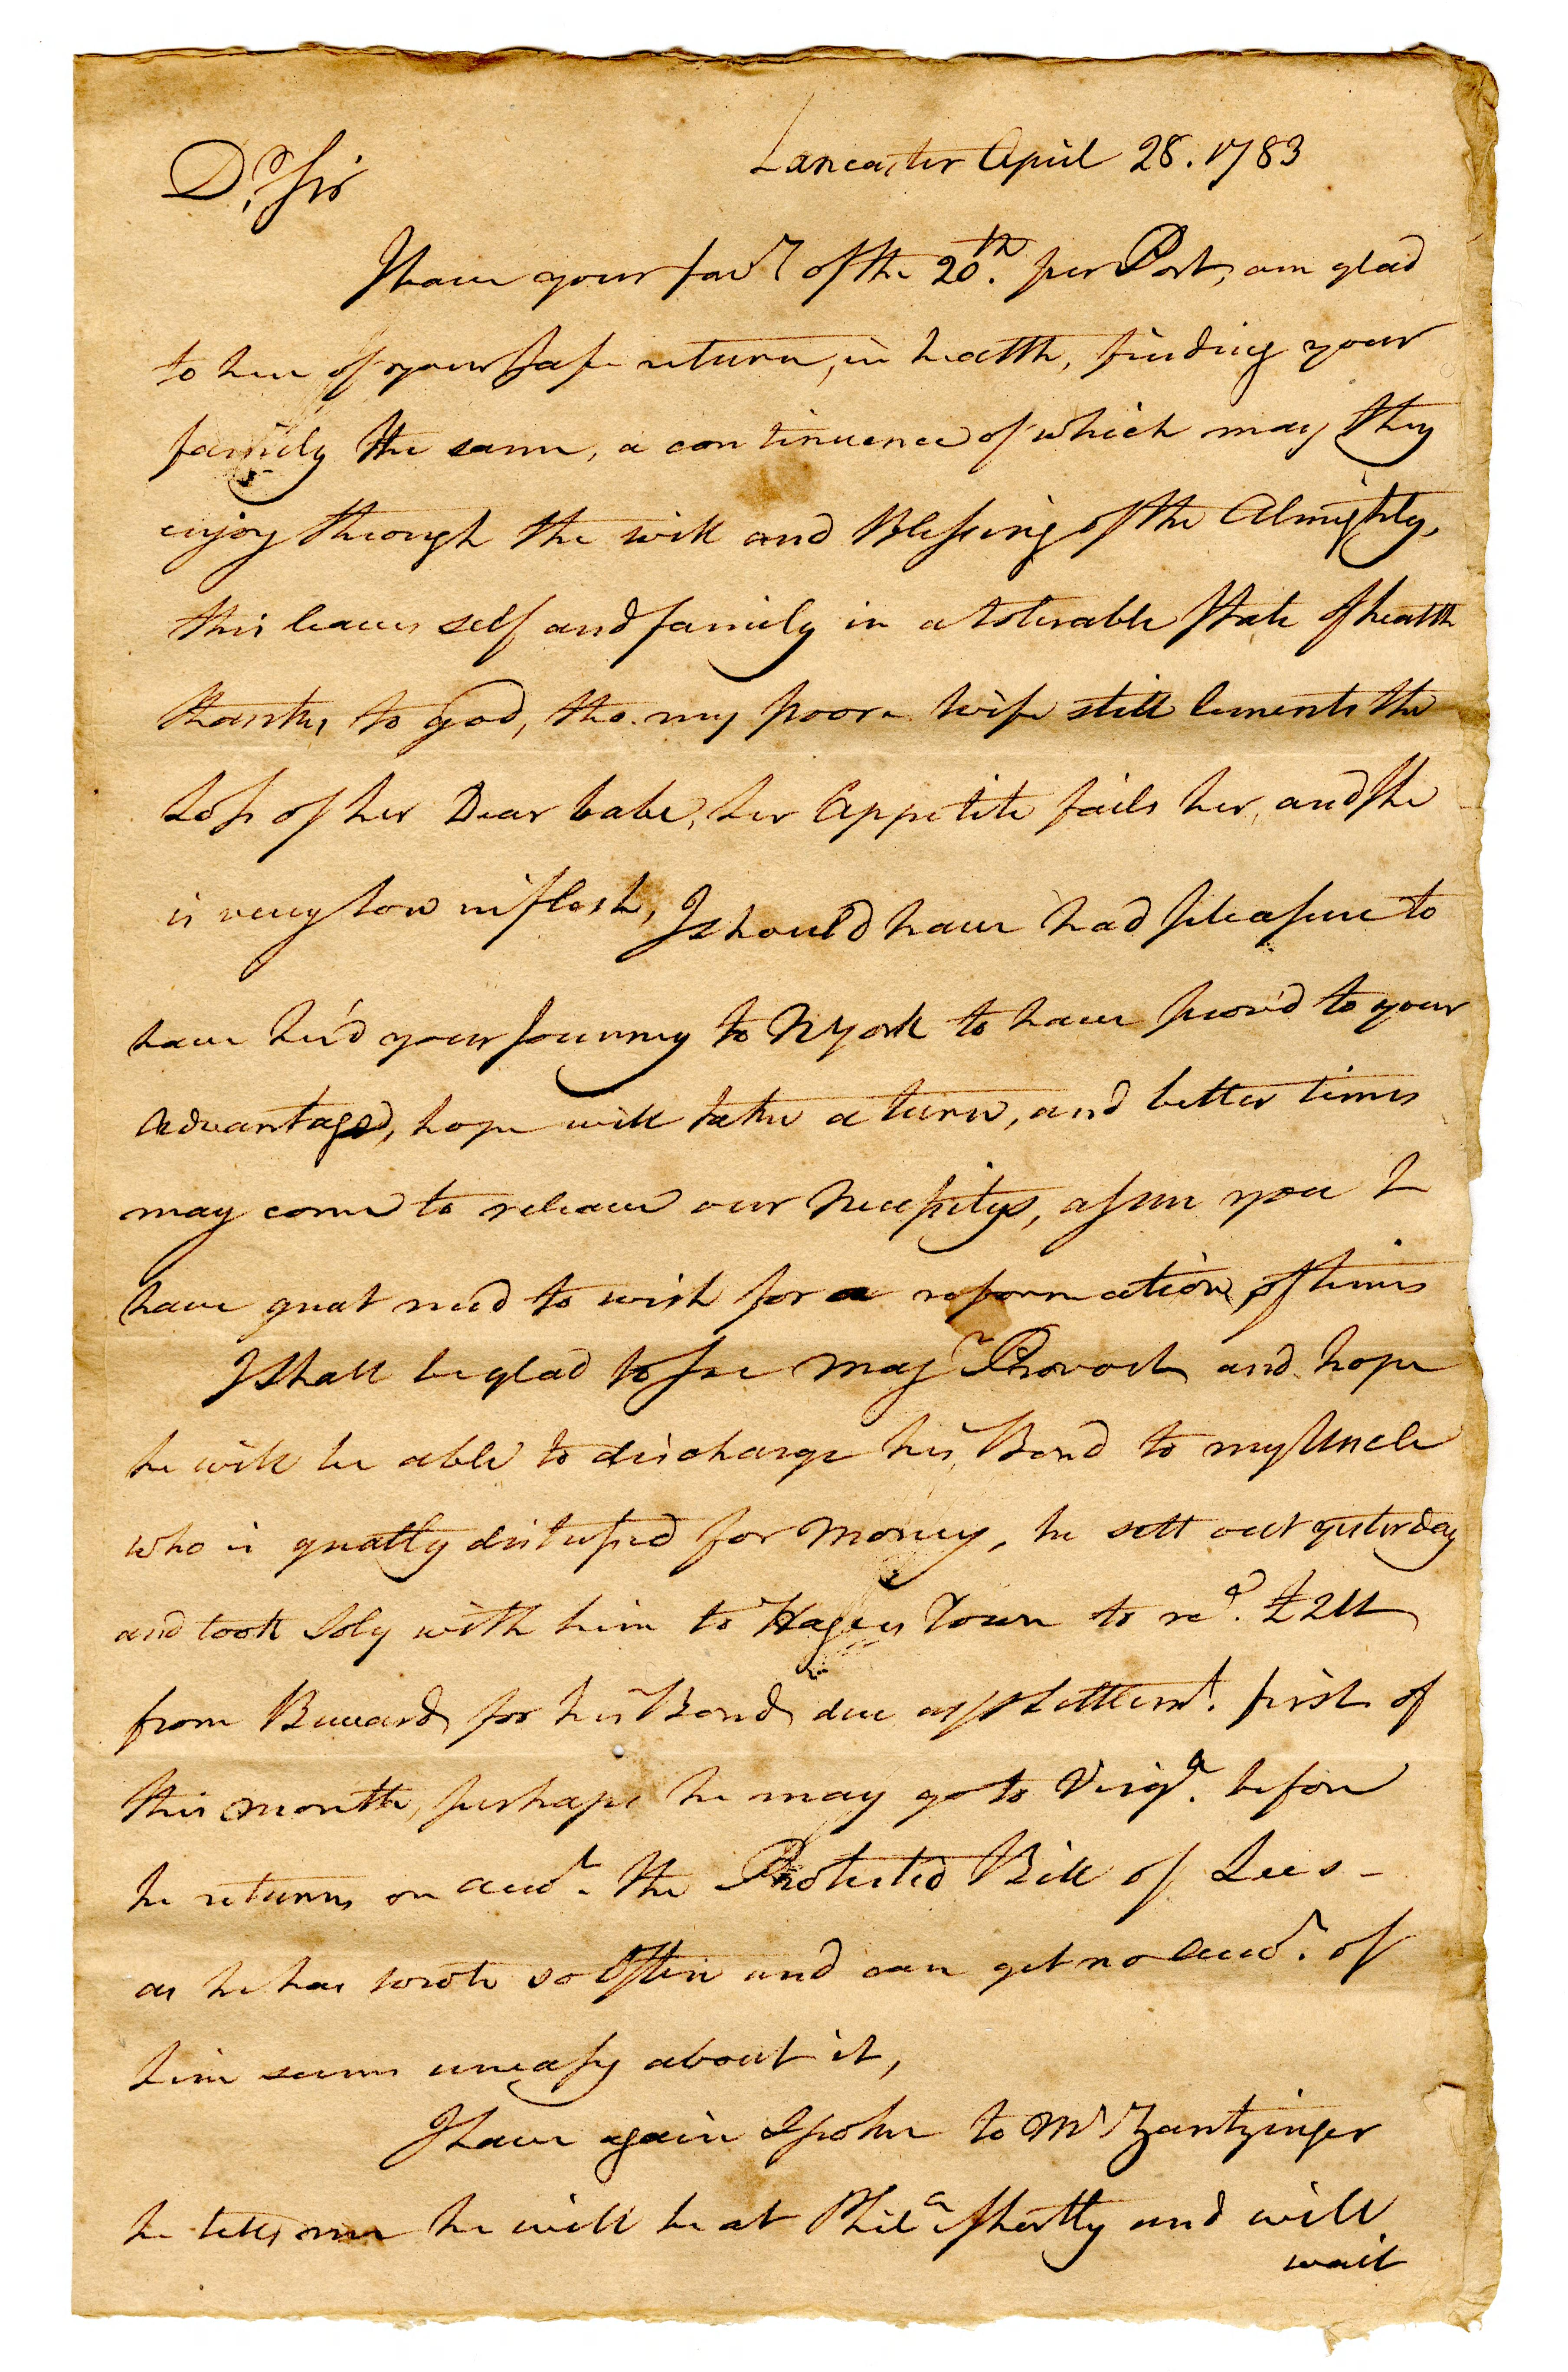Lancaster April 28. 1783
D^r. Sir
I have your fav^r. of the 20^th. per Post, am glad
to here of your safe return, in health, finding your
family the same, a continuance of which may thy
enjoy through the will and blessing of the Almighty
this leaves self and family in a tolerable state of heath
thanks to God, tho my poore wife still laments the
Loss of her Dear babe, her Appetite fails her, and she
is very low in flesh,
I should have had pleasure to
have her'd you Journey to N York to have prov'd to your
advantage, hope will take a turn, and better times
may come to relieve our necessitys, a sum you l
have great need to wish for [a] return action of this
I shall be glad to see Maj^r Provost and hope
he will be able to discharge his Bond to my Uncle
who is greatly distressed for money, he sett out yesterday,
and took Soly with him to Hayes Town to re^d. £211
from Barnard for his Bond due as per attem^t. first of
this month, perhaps he may go to Virg^a. before
he returns on acco^t. the Protected Bill of Lees-
as he has spoke so Often and can get no acco^t. of
his seem uneasy about it,
I have again Spoken to M^r Zantzinger
he tells me he will be at Phil^a shortly and will
he will